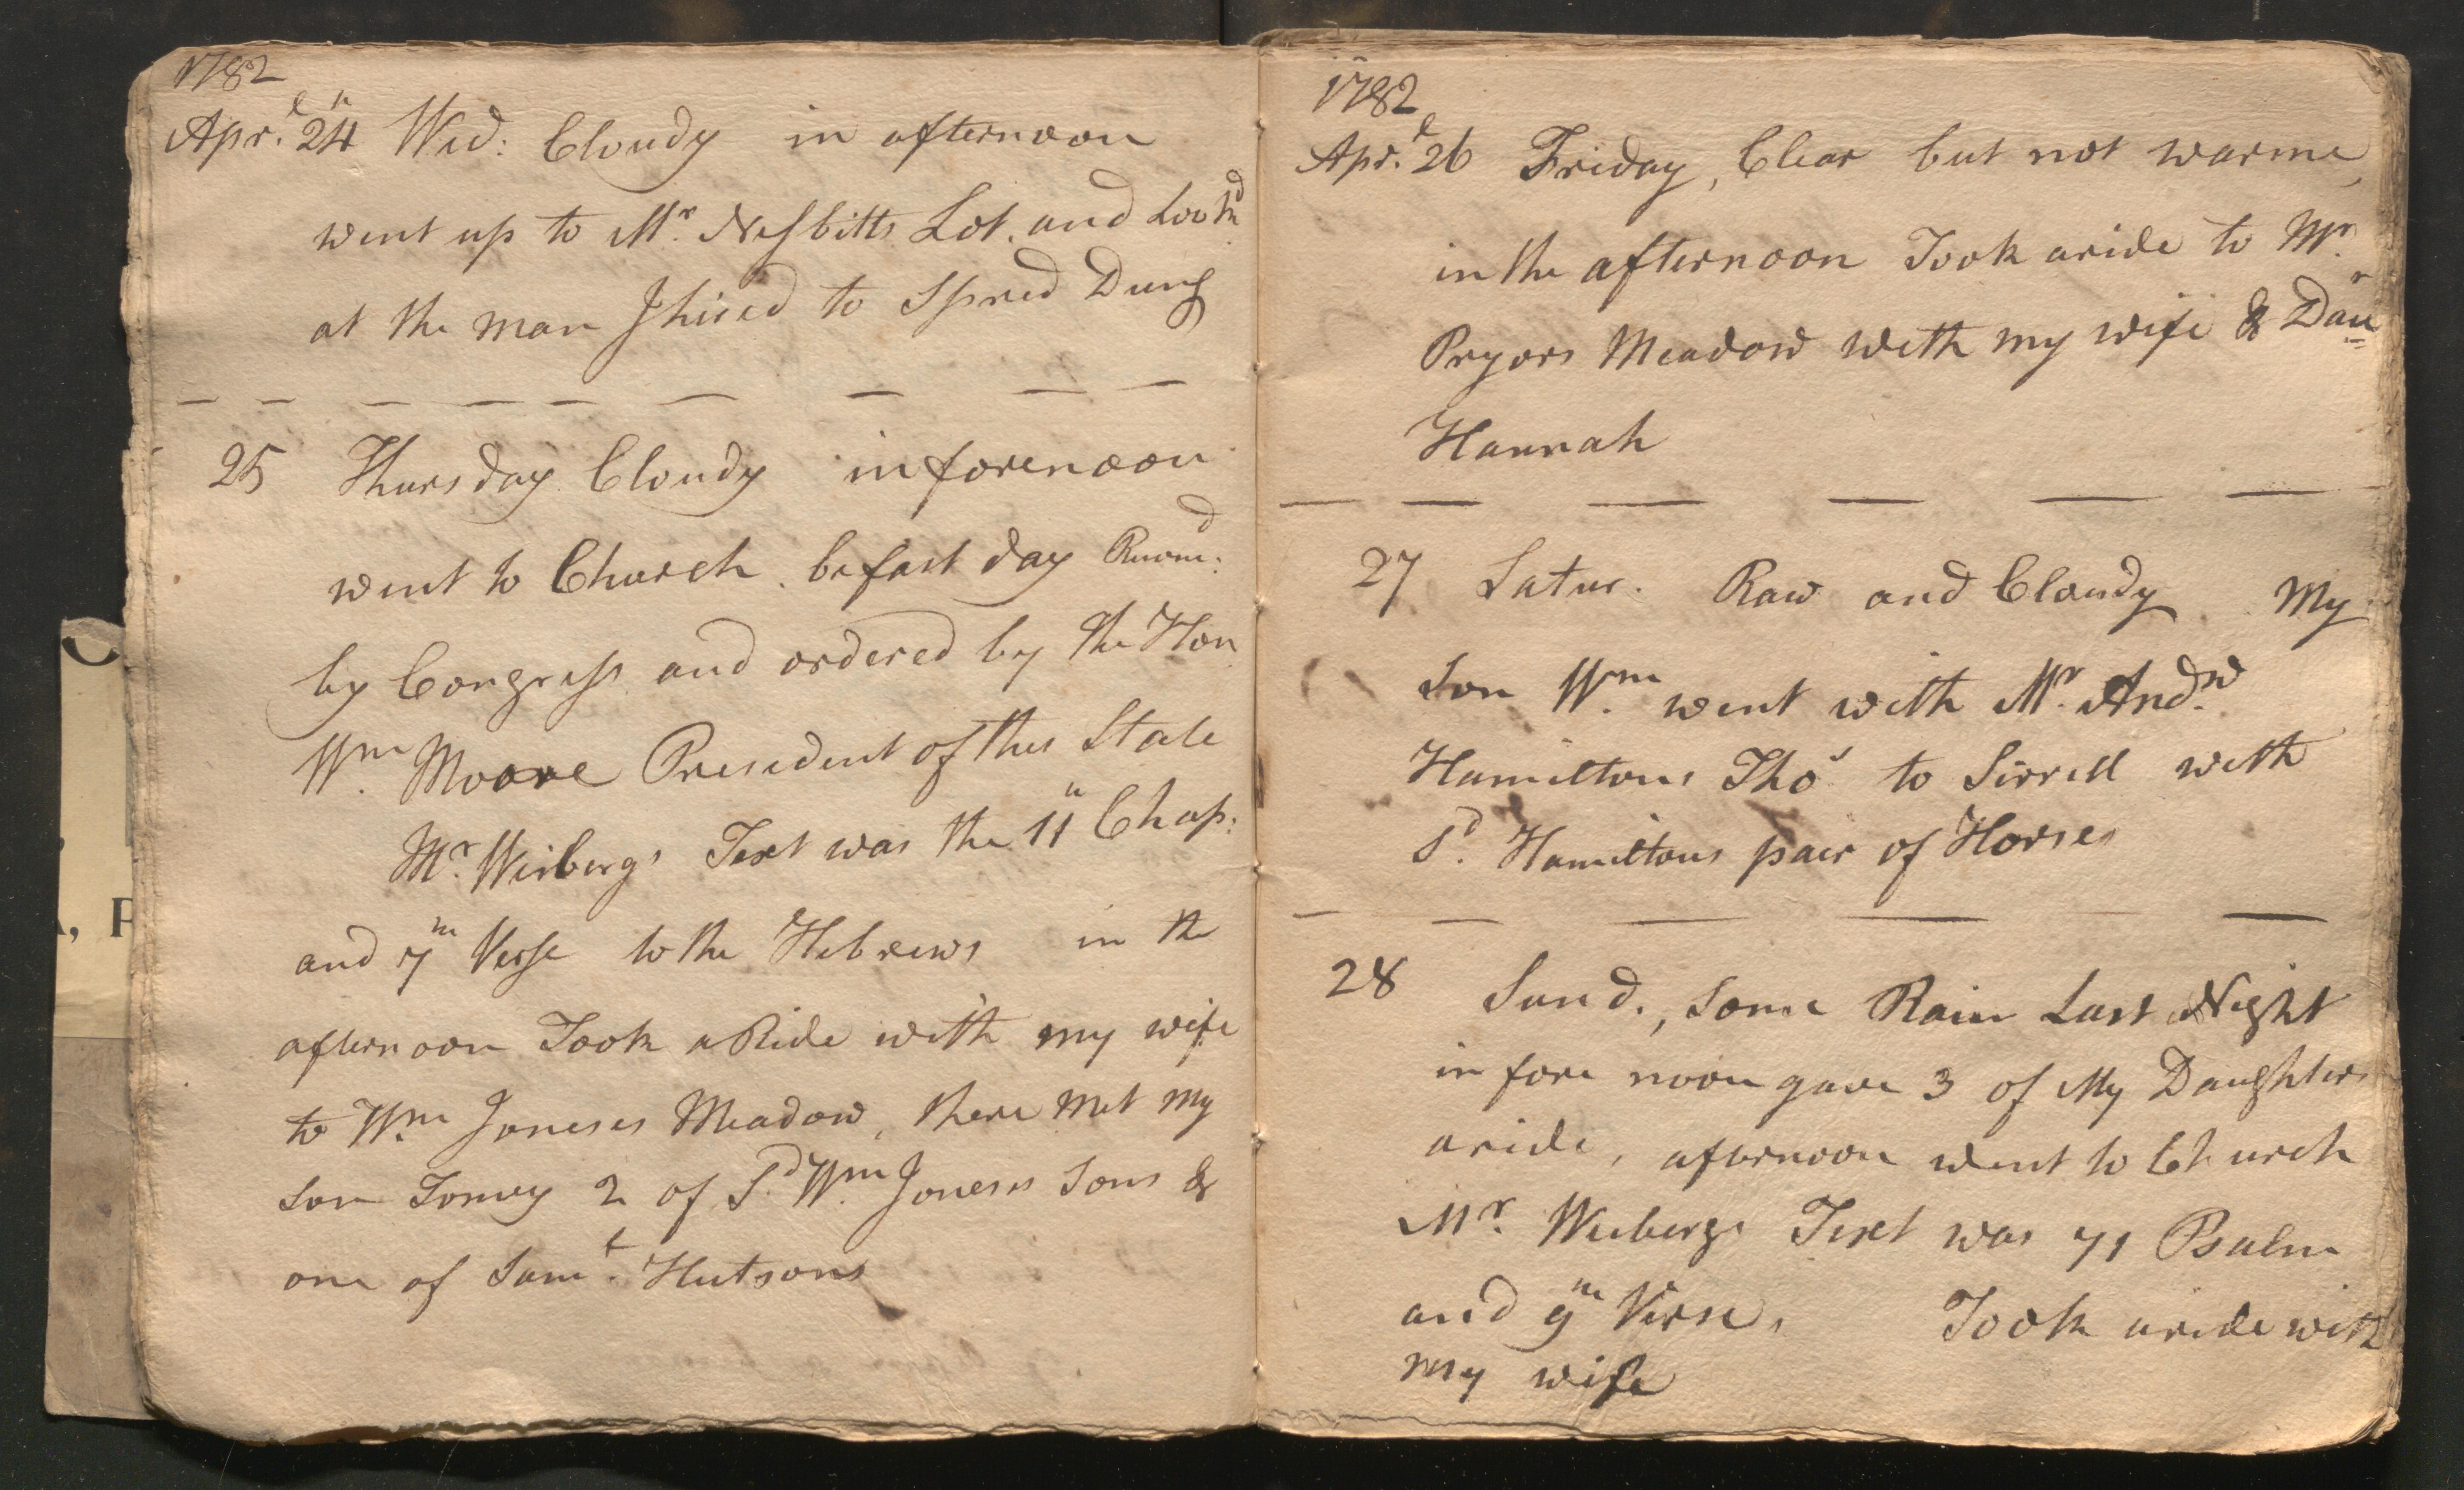1782
Apr^l. 24^h Wed: Cloudy in afternoon
went up to M^r. Nesbitts Lot, and Look^d
at the man I hired to spred Dung
25 Thursday Cloudy in forenoon
went to Church befast day Recom^d.
by Congress and ordered by the Hon
W^m. Moore President of this State
M^r. Weibergs Text was the 11^th Chap
and 7^th Verse to the Hebrews in the
afternoon Took a Ride with my wife
to W^m. Joneses Meadow, there met My
son Tomey 2 of s^d. W^m. Joneses sons &
one of Sam^l. Hutsons
1782
Apr^l. 26 Friday Clear but not warme
in the afternoon Took a ride to M^r.
Pryors Meadow with my wife & Dau^r
Hannah
27 Satur. Raw and Cloudy My
Son W^m. went with M^r. And^w.
Hamiltons Tho^s to Sirrell with
s^d. Hamiltons pair of Horses
28 Sund., some Rain Last Night
in fore noon gave 3 of My Daughters
a ride, afternoon went to Church
M^r. Weibergs Text was 71 Psalm
and 9^th Verse,
Took a ride with
my wife